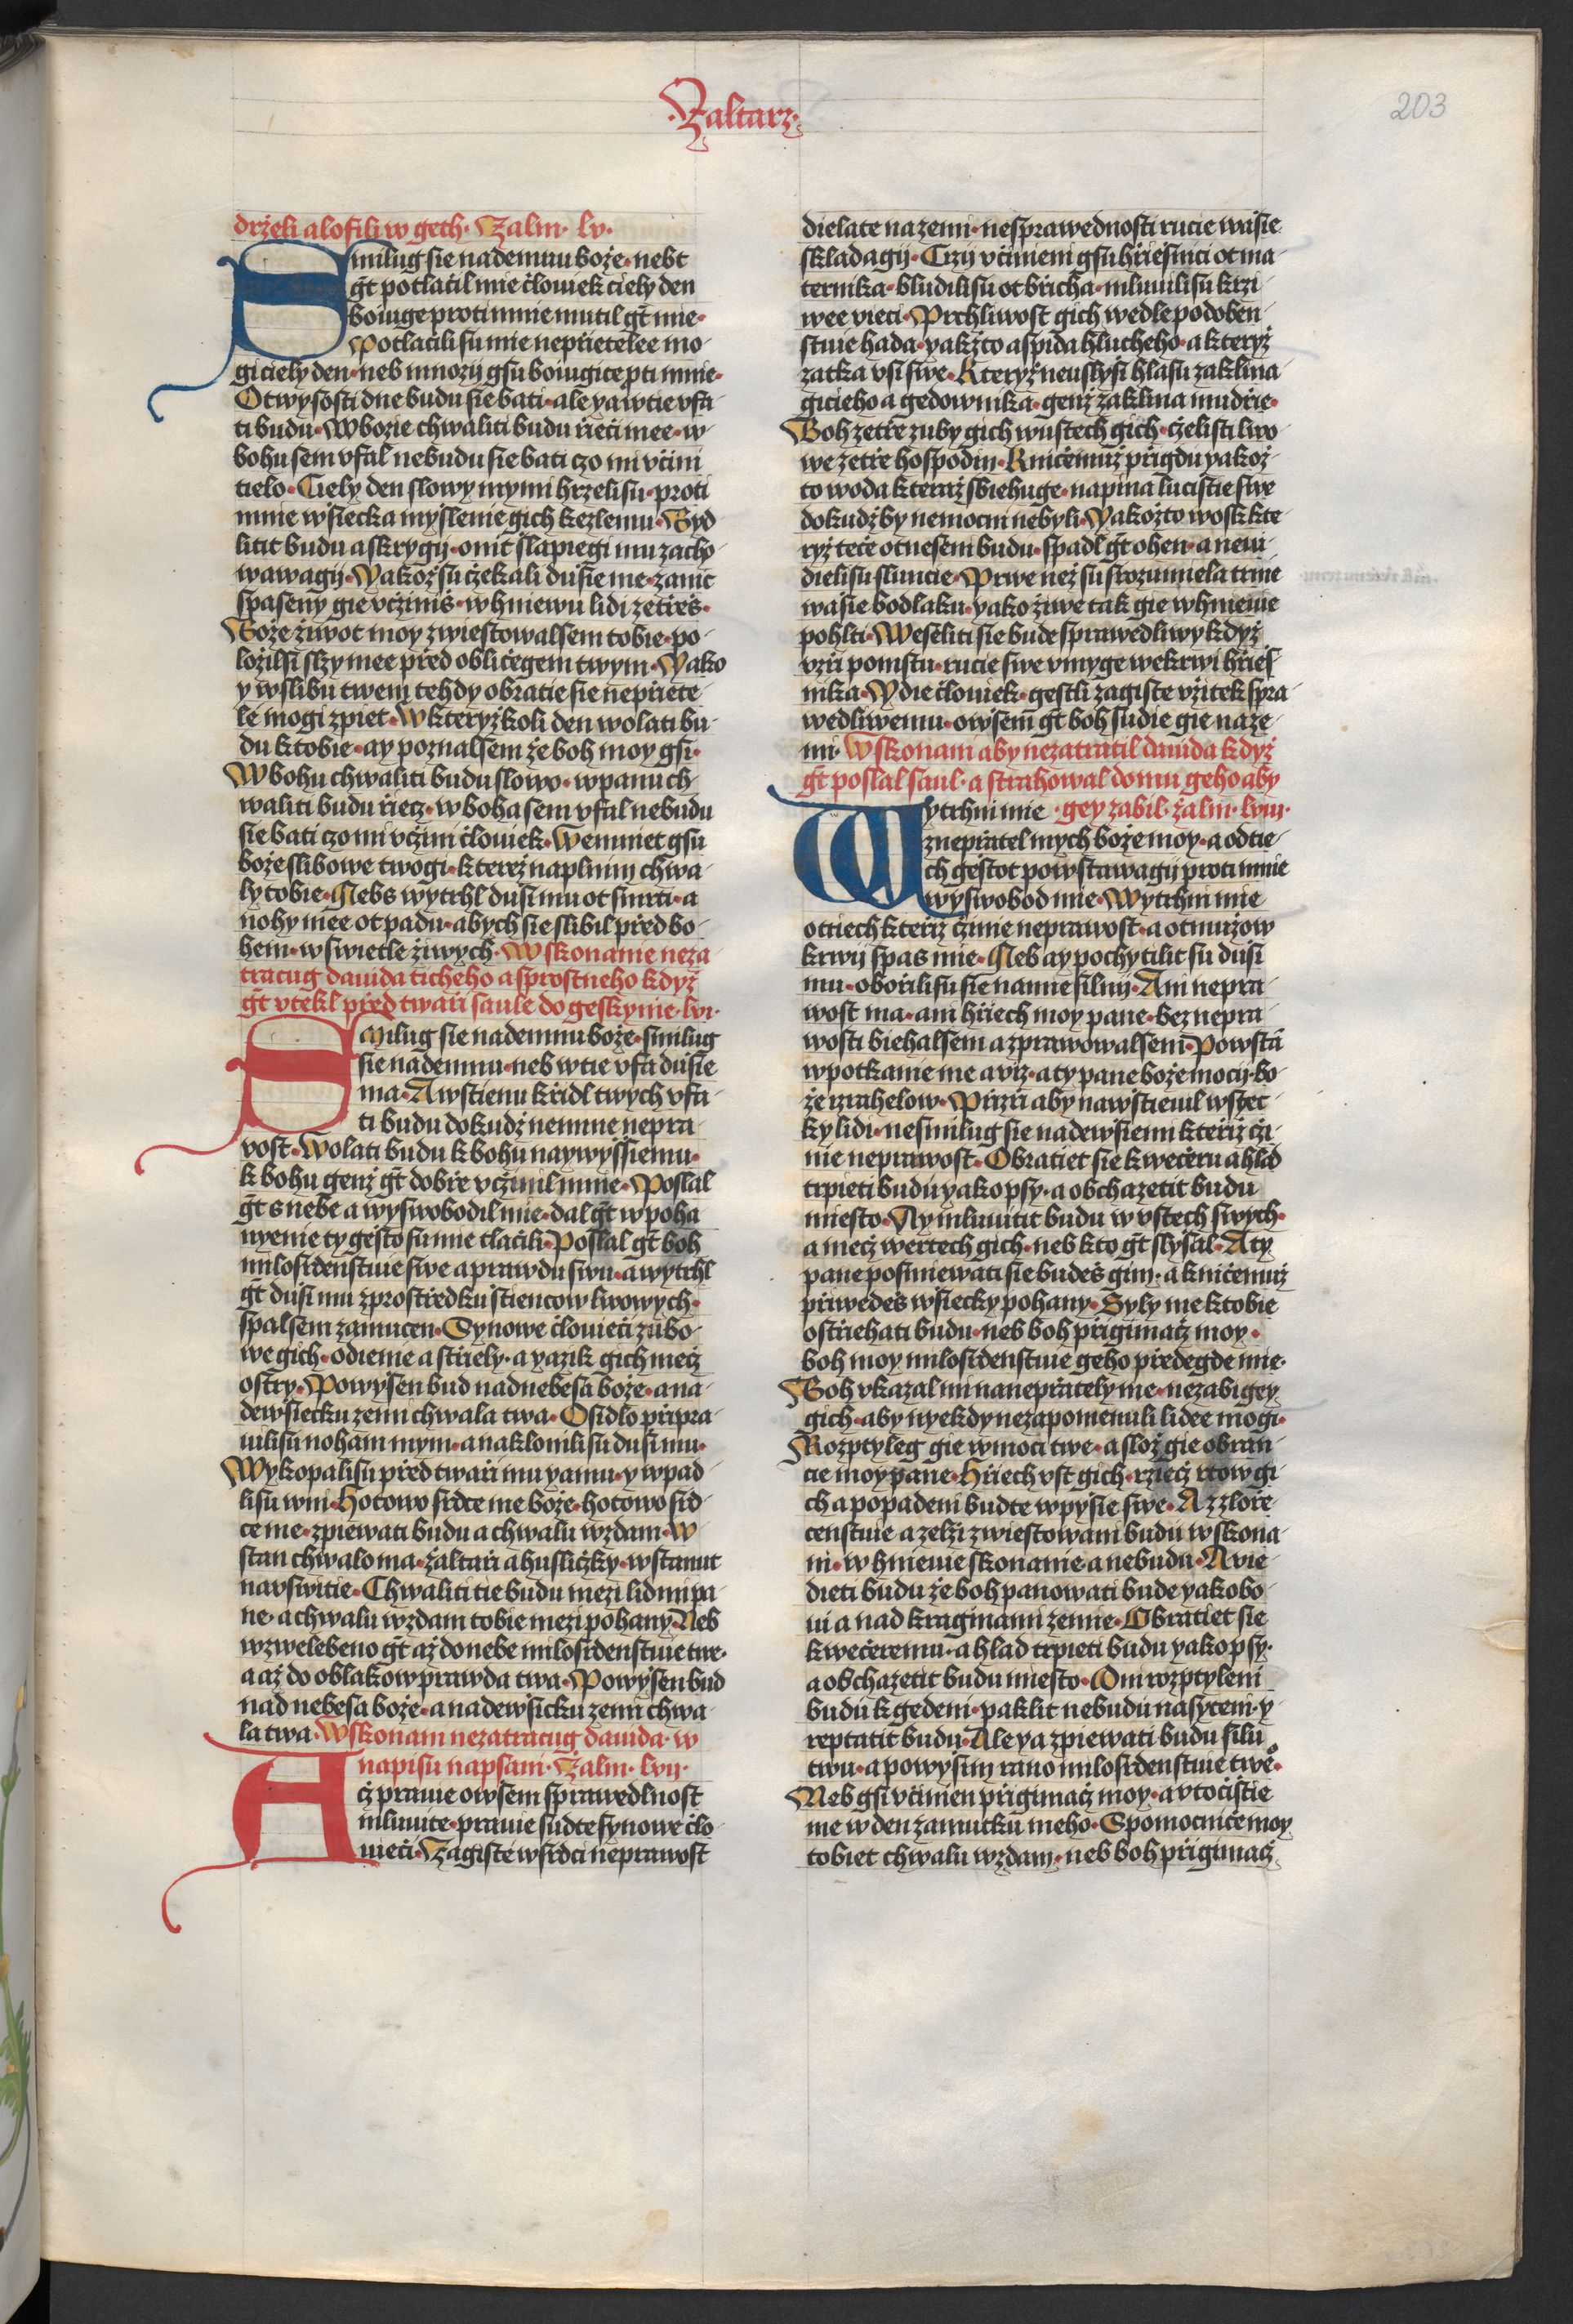.Żaltarz.
drżeli a loſili w geth.Zalm.lv.
milug ſie nademnu boże.nebt
ḡt potlaċil mie ċlouíek ciely den
boiuge proti mnie mutil ḡt mie.
Potlaċiliſu mie nepṙíetelee mo¬
gi ciely den.neb mnozij gſu boiugíce ꝓti mnie.
Otwyſoſti dne budu ſie bati.ale ya wtie vſa¬
ti budu.Wbozie chwaliti budu ṙieċí mee.w¬
bohu ſem vſal nebudu ſie bati czo mi vċiní
tielo.Cely den ſlowy mymi hrzeliſu.proti
mnie wẛiecka myẛleníe gich kezlemu.Byd¬
litit budu a ſkrygij.onit ẛlapiegi mu zacho¬
wawagij.Yakoż ſu cżekali duẛie me.zanic
ſpaſeny gie vcżiníṡ.w hniewu lidi zetṙeṡ.
Boże żiwot moy zwieſtowalſem tobie.po¬
lożilſi ſlzy mee pṙed obliċegem twym.Yako
y wſlibu twem tehdy obratíe ſie nepṙiete¬
lé mogi zpiet.Wkteryżkoli den wolati bu¬
du ktobie.ay poznalſem że boh moy gſi.
Wbohu chwaliti budu ſlowo.wpanu ch¬
waliti budu ṙiecz.w boha ſem vſal nebudu
ſie bati czomi vcżiní ċlouiek.Wemniet gſu
boże ſlibowe twogi.ktereż naplním chwa¬
ly tobie.Nebs wytrhl duẛi mu ot ſmrti.a
nohy mee ot padu.abych ſie ſlibil pṙed bo¬
hem.w ſwietle żiwych.Wſkonanie neza¬
tracug dauida ticheho a ſproſtneho kdyż
ḡt vtekl pṙed twaṙi ſaule do geſkynie.lvi.
Milug ſie nademnu boże.ſmilug
ſie nademnu.neb wtie vſa duẛie
ma.A wſtíenu kṙidl twych vſa¬
ti budu dokudż nemine nepra¬
voſt.Wolati budu k bohu naywyẛẛiemu.
k bohu genż ḡt dobṙe vcżinil mnie.Poſlal
ḡt s nebe a wyſwobodil mie.dal ḡt wpoha¬
nyenie ty geẛto ſu mie tlaċili.Poſlal ḡt boh
miloſrdenſtuíe ſwe a prawdu ſwu.a wytrhl
ḡt duẛi mu zproſtṙedku ẛtiencow lwowych.
ſpalſem zamucen.Synowe ċlouieċí zubo¬
we gich.odieníe a ſtṙiely.a yazik gich mecż
oſtry.Powyẛen bud nadnebeſa boże.a na¬
dewẛiecku zemi chwala twa.Oſidlo pṙipra¬
uiliſu noham mym.a nakloniliſu duẛi mu.
Wykopaliſu pṙed twaṙí mu yamu.y wpad¬
liſu wni.Hotowo ſrdce me boże.hotowo ſrd¬
ce me.zpiewati budu a chwalu wzdam.W¬
ſtan chwalo ma.żaltaṙi a huſlicżky.wſtanut
navſwitie.Chwaliti tie budu mezi lidmi pa¬
ne.a chwalu wzdam tobie mezi pohany.Neb
wzwelebeno ḡt aż donebe miloſrdenſtuie twe.
a až do oblakow prawda twa.Powyẛen bud
nad nebeſa boże.a nadewẛicku zemi chwa¬
la twa.Wſkonam nezatracug dauida.w
napiſu napſaní.Żalm.lvij.
cż prauie owẛem ſprawedlnoſt
mluuíte.prauie ſudte ſynowe ċlo¬
uieċi.Zagiſté wſrdci neprawoſt
dielate na zemi.neſprawednoſti rucie waẛie
ſkladagij.Cizij vċinieni gſu hṙieẛníci ot ma¬
terníka.bludiliſu ot bṙicha.mluuiliſu krzi¬
wee vieci.Prchliwoſt gich wedle podoben¬
ſtuíe hada.yakżto aſpida hlucheho.a kteryž
zatka vſi ſwe.Kteryż neuſlyẛí hlaſu zaklina¬
gicieho a gedowníka.genż zaklina mudṙie.
Boh zetṙe zuby gich wuſtech gich.cżeliſti lwo¬
we zetṙe hoſpodin.Kníċemuż pṙigdu yakoż¬
to woda kteraż ſbiehuge.napína luciẛtie ſwe
dokudżby nemocní nebyli.Yakożto woſk kte¬
ryż teċe otneſeni budu.ſpadl ḡt ohen.a neui¬
dieliſu ſluncie.Prwe neż ſu ſrozumíela trníe
waẛie bodlaku.yako żiwe tak gie whnieuie¬
pohltí.Weſeliti ſie bude ſprawedliwy kdyż
vzṙí pomſtu.rucie ſwe vmyge wekrwi hṙieẛ¬
níka.Y die člouiek.geſtli zagiſte vżitek ſpra¬
wedliwemu.owẛem ḡt boh ſudie gie naze¬
mi.Wſkonaní aby nezatratil dauida kdyż
ḡt poſlal ſaul.a ſtrahowal domu geho aby
ytrhni mie.gey zabil.żalm.lviij.
znepṙatel mych boże moy.a odtie¬
ch geẛtot powſtawagij proti mnie
wyſwobod mie.Wytrhni mie
ottiech kteṙiż cżinie neprawoſt.a otmużow
krwij ſpas mie.Neb ay pochytilit ſu duẛi
mu.oboṙiliſu ſie namie ſilnij.Ani nepra¬
woſt ma.ani hṙiech moy pane.bez nepra¬
woſti biehalſem a zprawowalſem.Powſtā
wpotkaníe me a viz.a ty pane boże mocij.bo¬
że izrahelow.Pṙizṙi aby nawẛtieuil wſyec¬
ky lidi.neſmilug ſie nadewẛiemi kteṙiż cżi¬
ne neprawoſt.Obratiet ſie kweċeru a hlad
trpieti budú yako pſy.a obchazetit budu
mieſto.Ay mluuitit budu w vſtech ſwych.
a mecż wertech gich.neb kto ḡt ſlyẛal.A ty
pane poſmiewati ſie budeṡ gim.a kniċemuż
pṙiwedeṡ wẛiecky pohany.Syly me ktobie
oſtṙiehati budu.neb boh pṙígímacż moy.
boh moy miloſrdenſtuíe geho pṙedegde mie.
Boh vkazal mi nanepṙately me.nezabigey
gich.aby nyekdy nezapomenuli lidee mogi.
Rozptyleg gie wmoci twe.a ſlož gie obran¬
cie moy pane.Hṙiech vſt gich.rziecż rtow gi¬
ch a popadeni budte wpyẛie ſwe.A z zloṙe¬
cenſtuie a zelżi zwieſtowani budú w ſkona¬
ni.w hníeuíe ſkonaníe.a nebudu.A vie¬
dieti budu że boh panowati bude yakobo¬
ui a nad kraginami zemie.Obratiet ſie
kweċeremu. a hlad trpieti budu yakopſy.
a obchazetit budu mieſto.Oni rozptylení
budú k gedení.paklit nebudú naſyceni.y¬
reptatit budu.Ale ya zpiewati budu ſilu
twu.a powyẛim rano miloſrdenſtuie tweo.
Neb gſi vċinien pṙigimacż moy.a vtoċiẛtie
me w den zamutku meho.Spomocníċe moy
tobiet chwalu wzdam.neb boh pṙigimacż